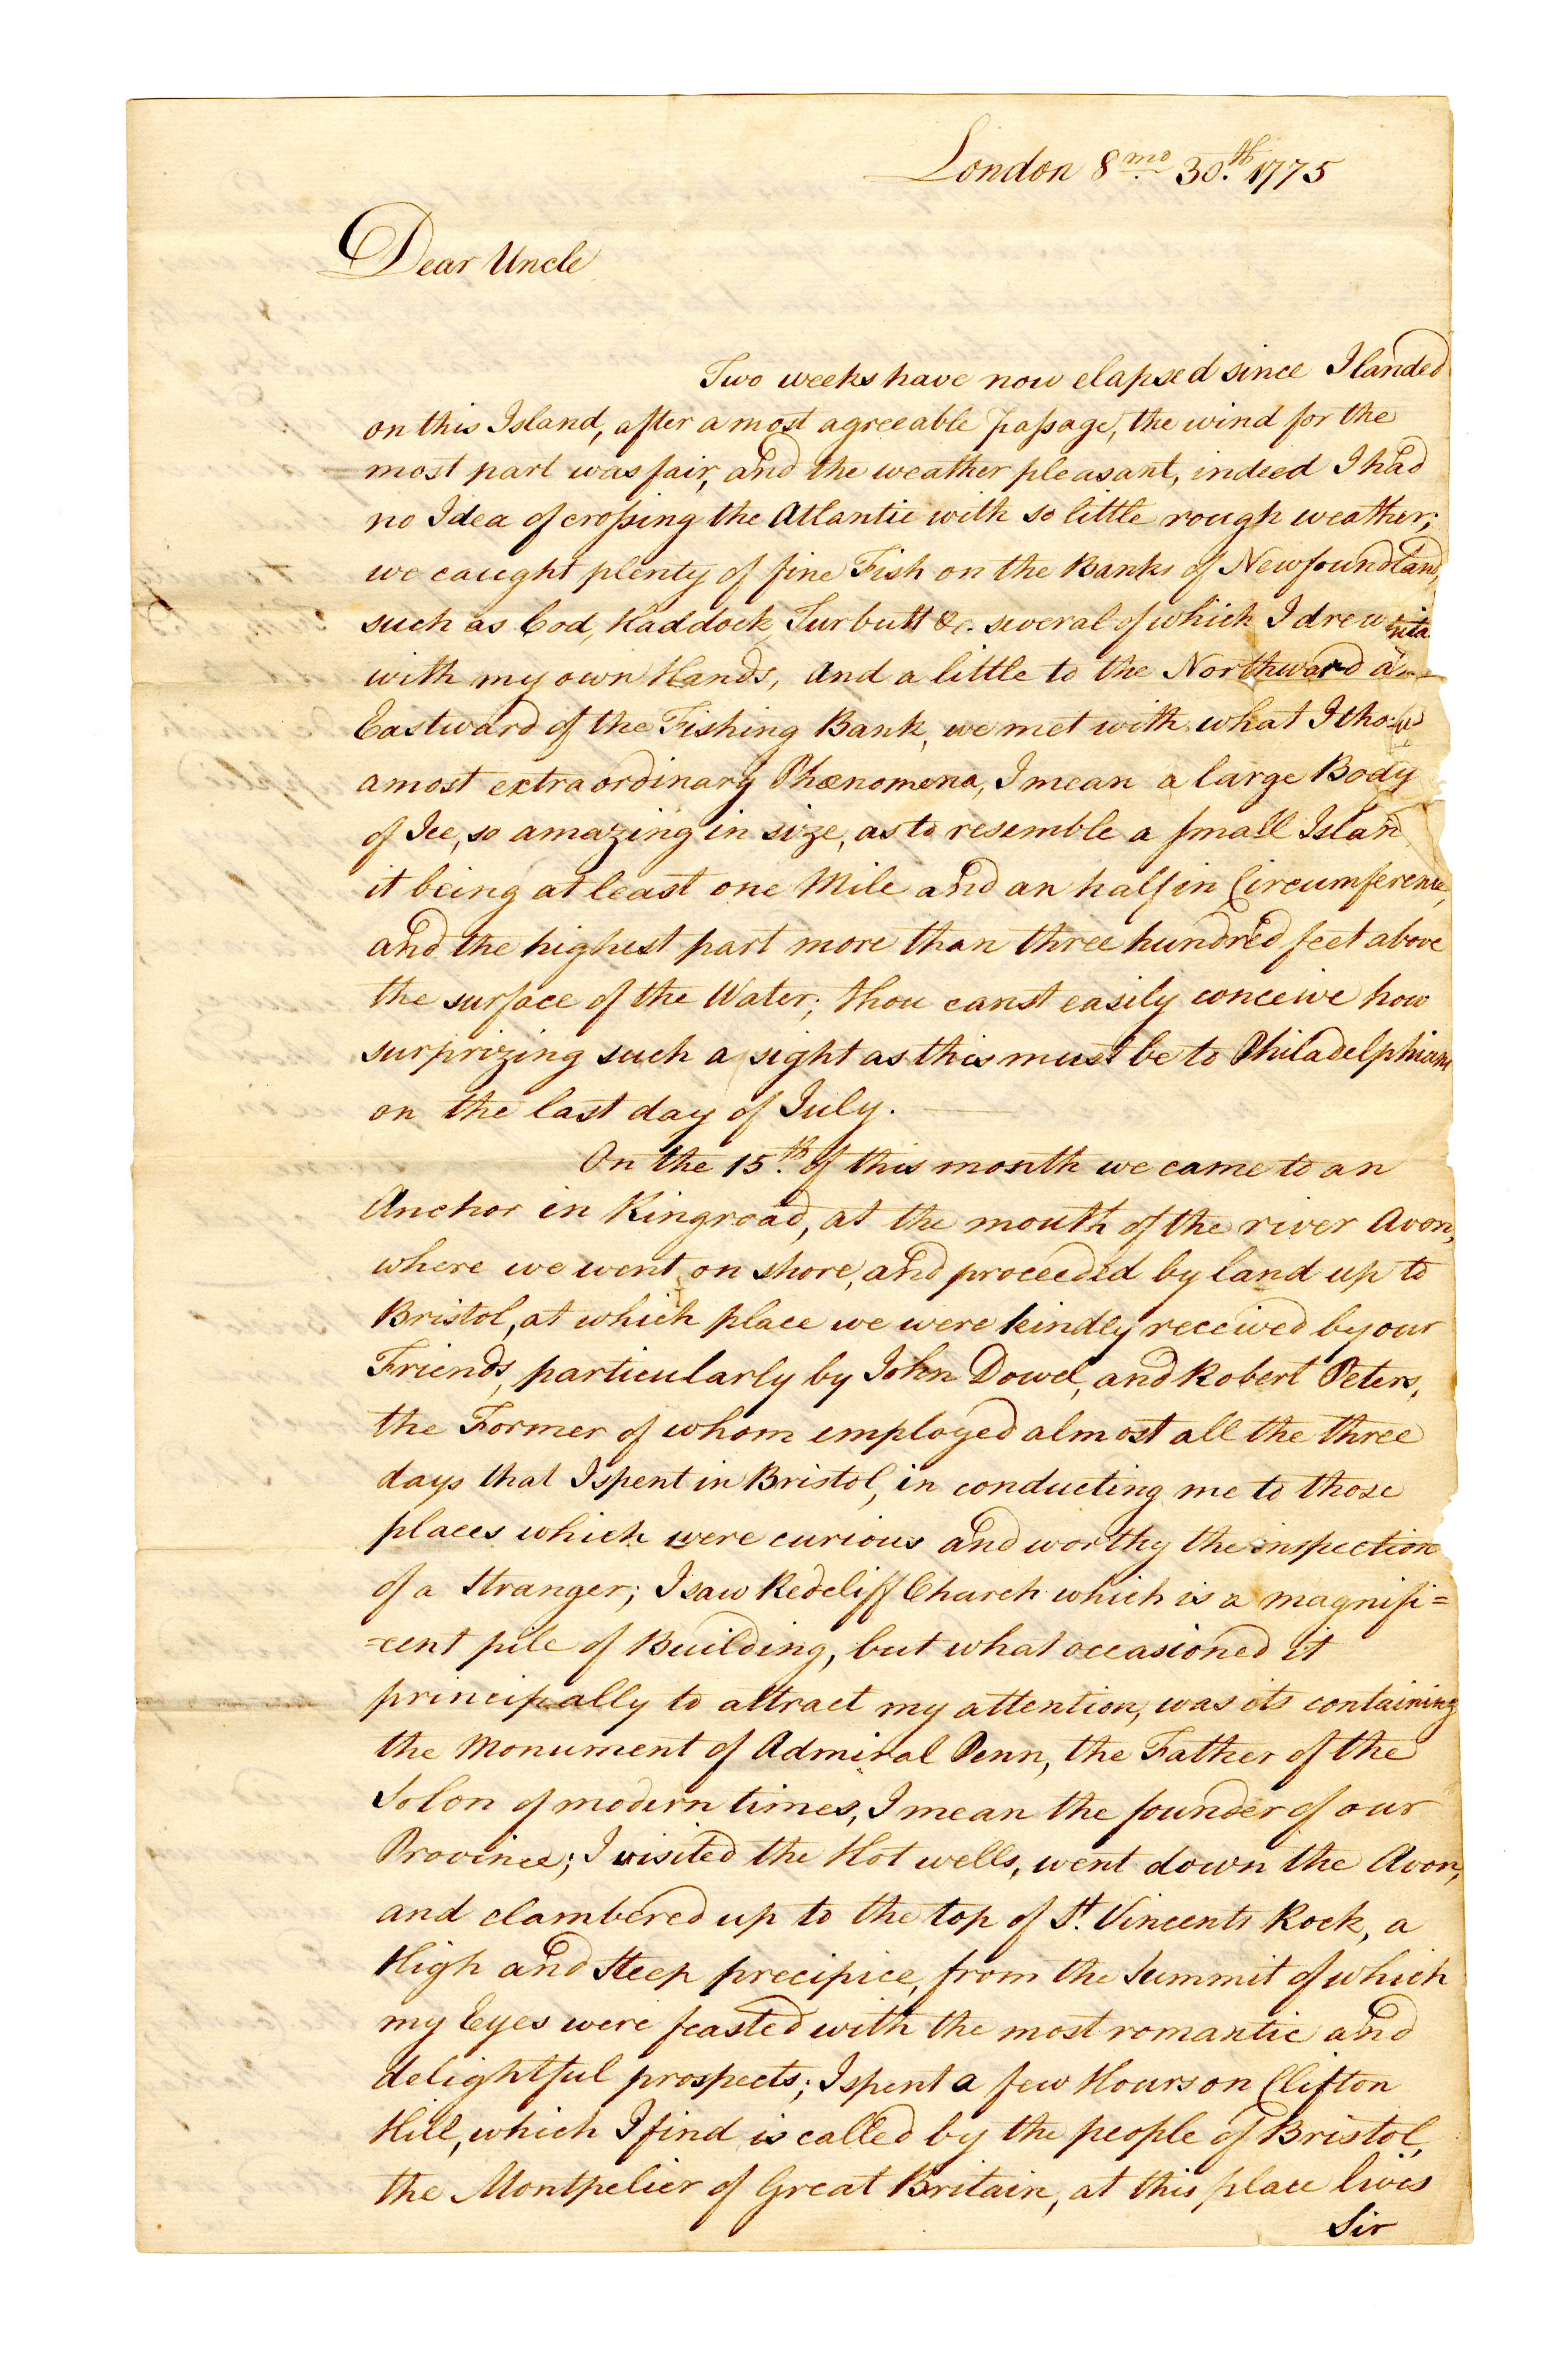London 8^mo. 30^th. 1775
Dear Uncle
Two weeks have now elapsed since I landed
on this Island, after a most agreeable passage, the wind for the
most part was fair, and the weather pleasant, indeed I had
no Idea of crossing the Atlantic with so little rough weather,
we caught plenty of fine Fish on the Banks of Newfoundland,
such as Cod, Haddock, Turbutt &c. several of which I drew
with my own Hands, and a little to the Northward a
Eastward of the Fishing Bank, we met with what I thou[_]
a most extraordinary Phenomena, I mean a large Body
of Ice, so amazing in size, as to resemble a small Islan
it being at least one Mile and an half in Circumference,
and the highest part more than three hundred feet above
the surface of the Water; thou canst easily conceive how
surprizing such a sight as that must be to Philadelphians
on the last day of July.
On the 15^th. of this month we came to an
Anchor in Kingroad, at the mouth of the river Avon,
where we went on shore, and proceeded by land up to
Bristol, at which place we were kindly received by our
Friends, particularly by John Dowel, and Robert Peters,
the Former of whom employed almost all the three
days that I spent in Bristol, in conducting me to those
places which were curious and worthy the inspection
of a stranger; I saw Redcliff Church which is a magnifi-
-cent pile of Building, but what occasioned it
principally to attract my attention, was its containing
the Monument of Admiral Penn, the Father of the
Solon of modern times, I mean the founder of our
Province; I visited the Hot wells, went down the Avon,
and clambered up to the top of S^t. Vincents Rock, a
High and steep precipice, from the summit of which
my Eyes were feasted with the most romantic and
delightful prospects; I spent a few Hours on Clifton
Hill, which I find is called by the people of Bristol,
the Montpelier of Great Britain, at this place lives
Sir